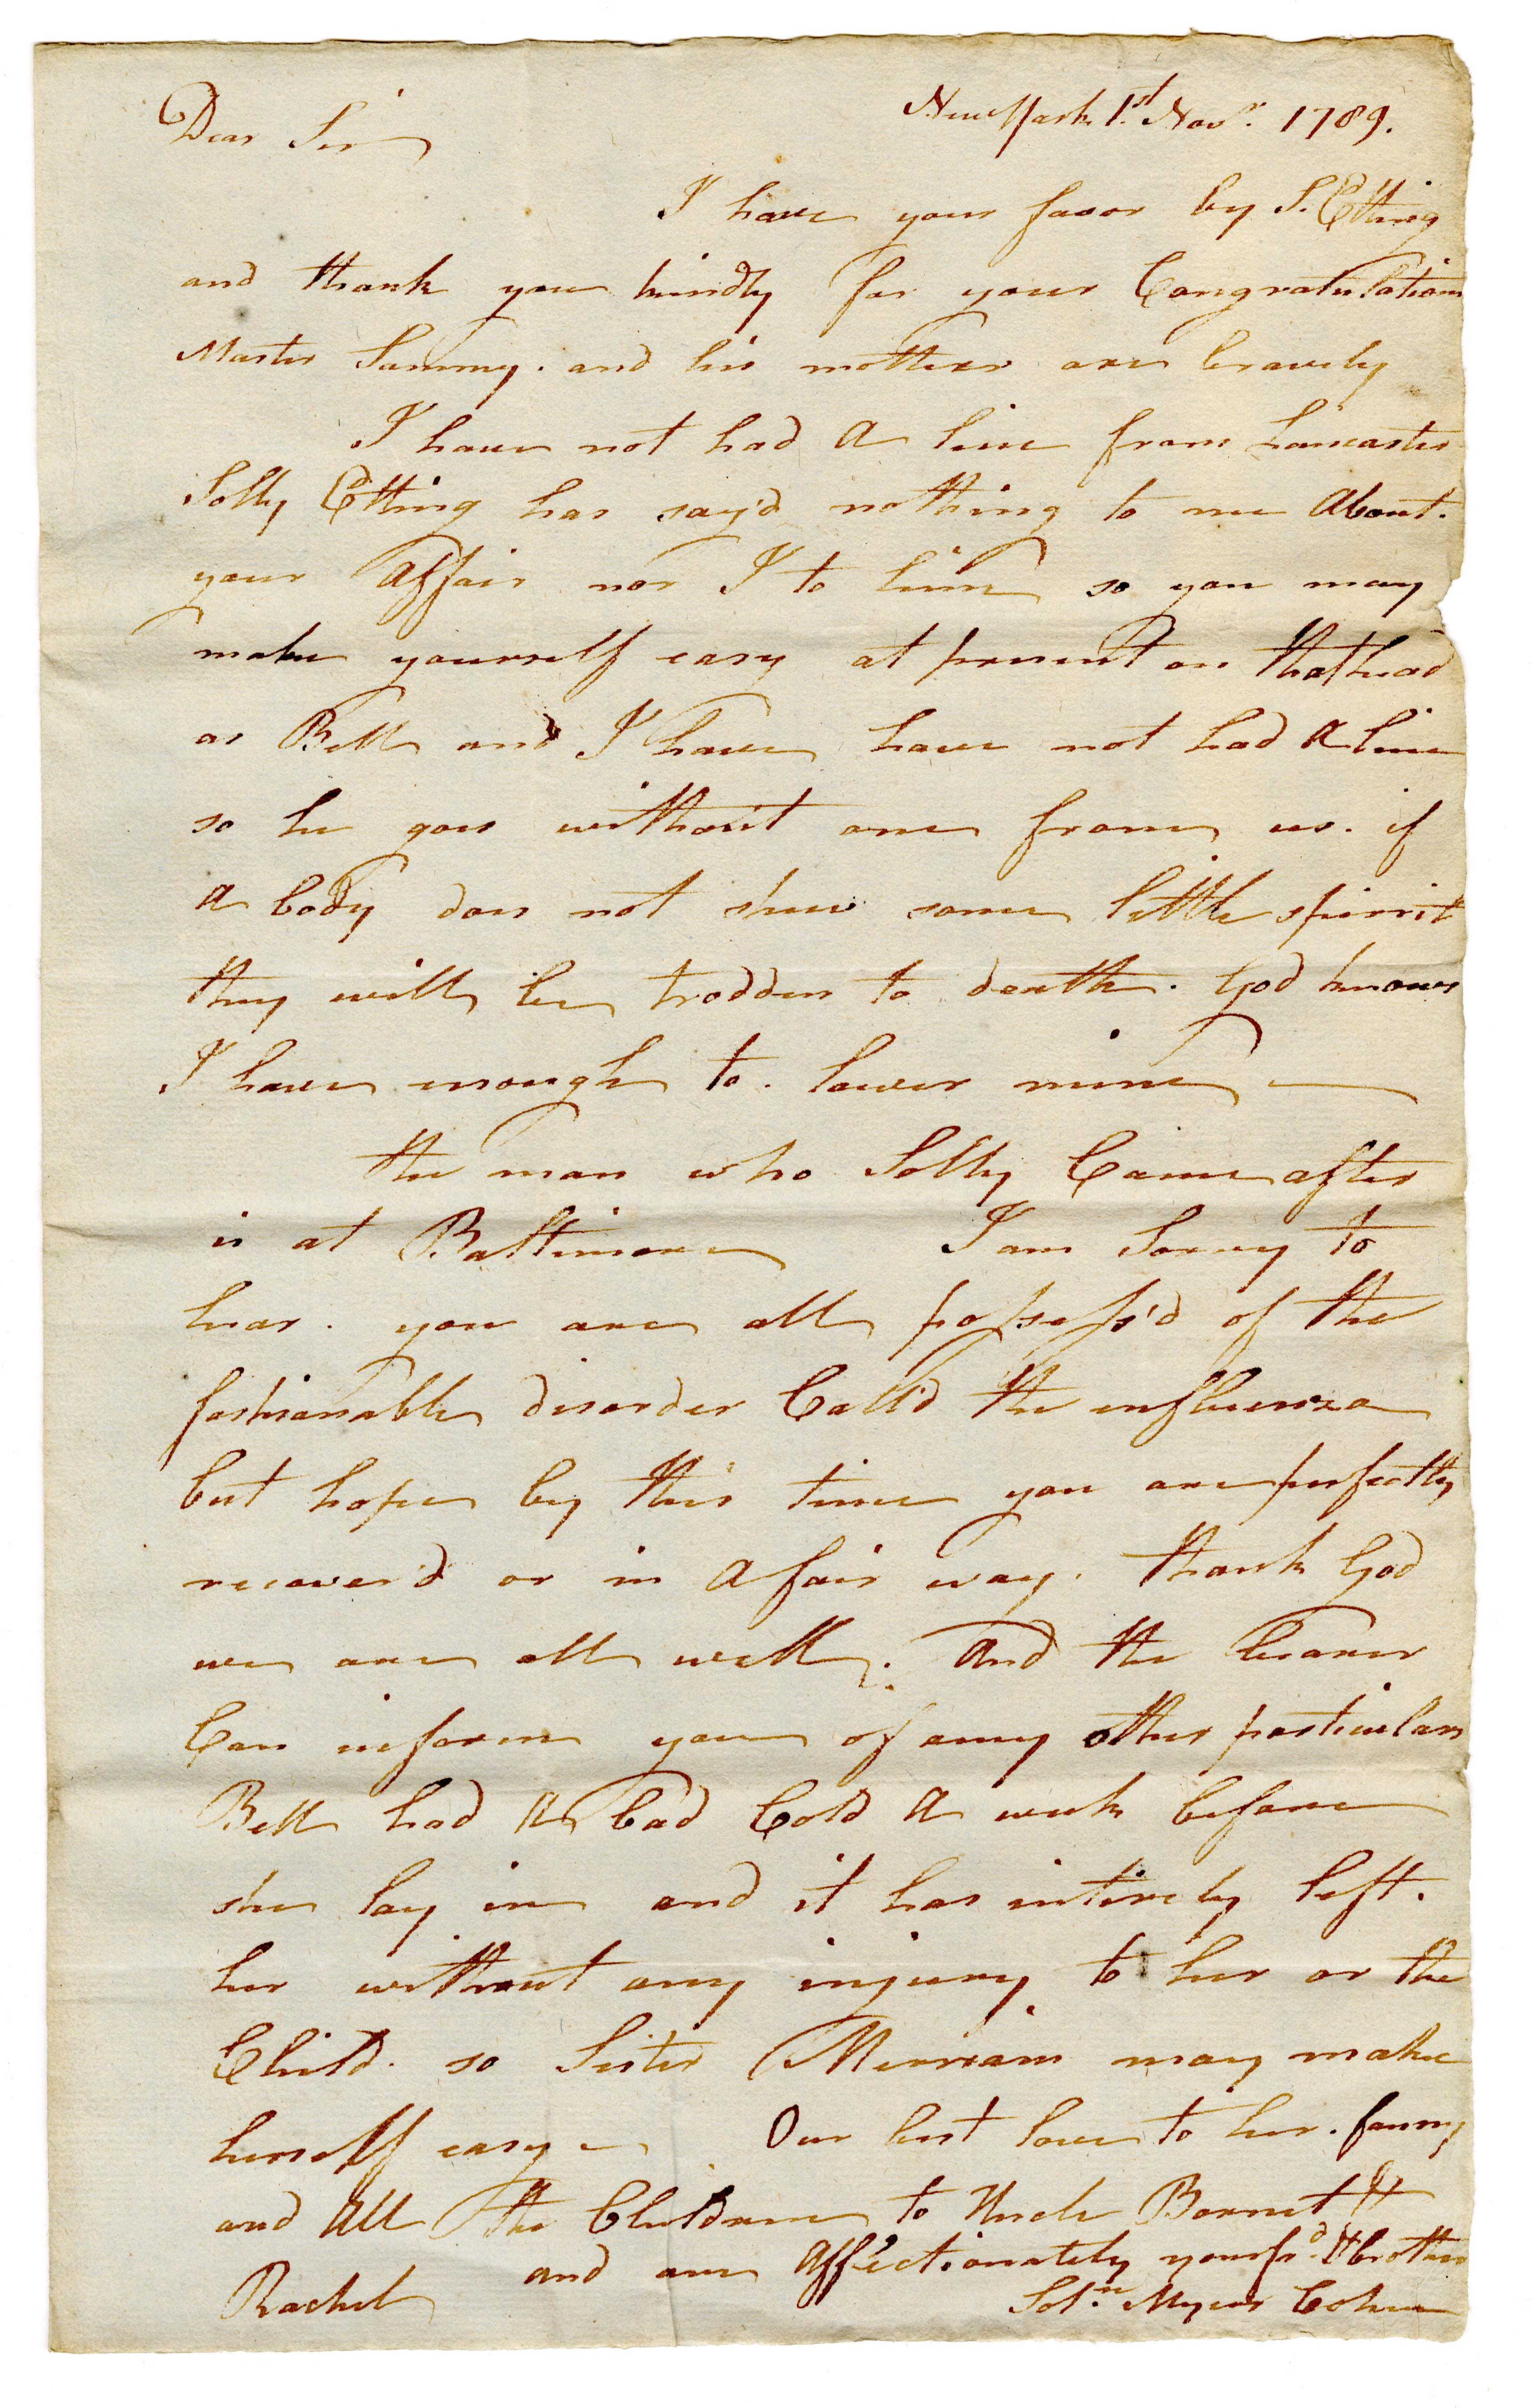New York 1^st. Nov^r. 1789.
Dear Sir
I have your favor by S. Elling
and thank you kindly for your Congratulations
Master Sammy and his mother are bravely
I have not had a line from Lancaster
Solly Etting has say'd nothing to me About.
your affairs nor I to him so you may
make yourself easy at present on that head
as Bell and I have have not had a line
so he goes without one from us. if
a body does not shew some little spirrit
they will be trodden to death. God knows
I have enough to favor mine.-
the man who Sally Came after
is at Baltimore I am sorry to
hear. you are all possess'd of the
fashionable disorder Call'd the influenza
but hope by this time you are perfectly
recover'd or in a fair way. thank God
we are all well. And the bearer
Can inform you of any other particulars
Bell had a bad Cold A week before
she lay in and it has intirely left.
her without any injury to her or the
Child. so Sister Merriam may make
her off easy- Our Past love to her family
and All the Children to Uncle Barnard &
Rachael
and am Affectionately yours^d. & brother
Sol^n. Myers Cohen